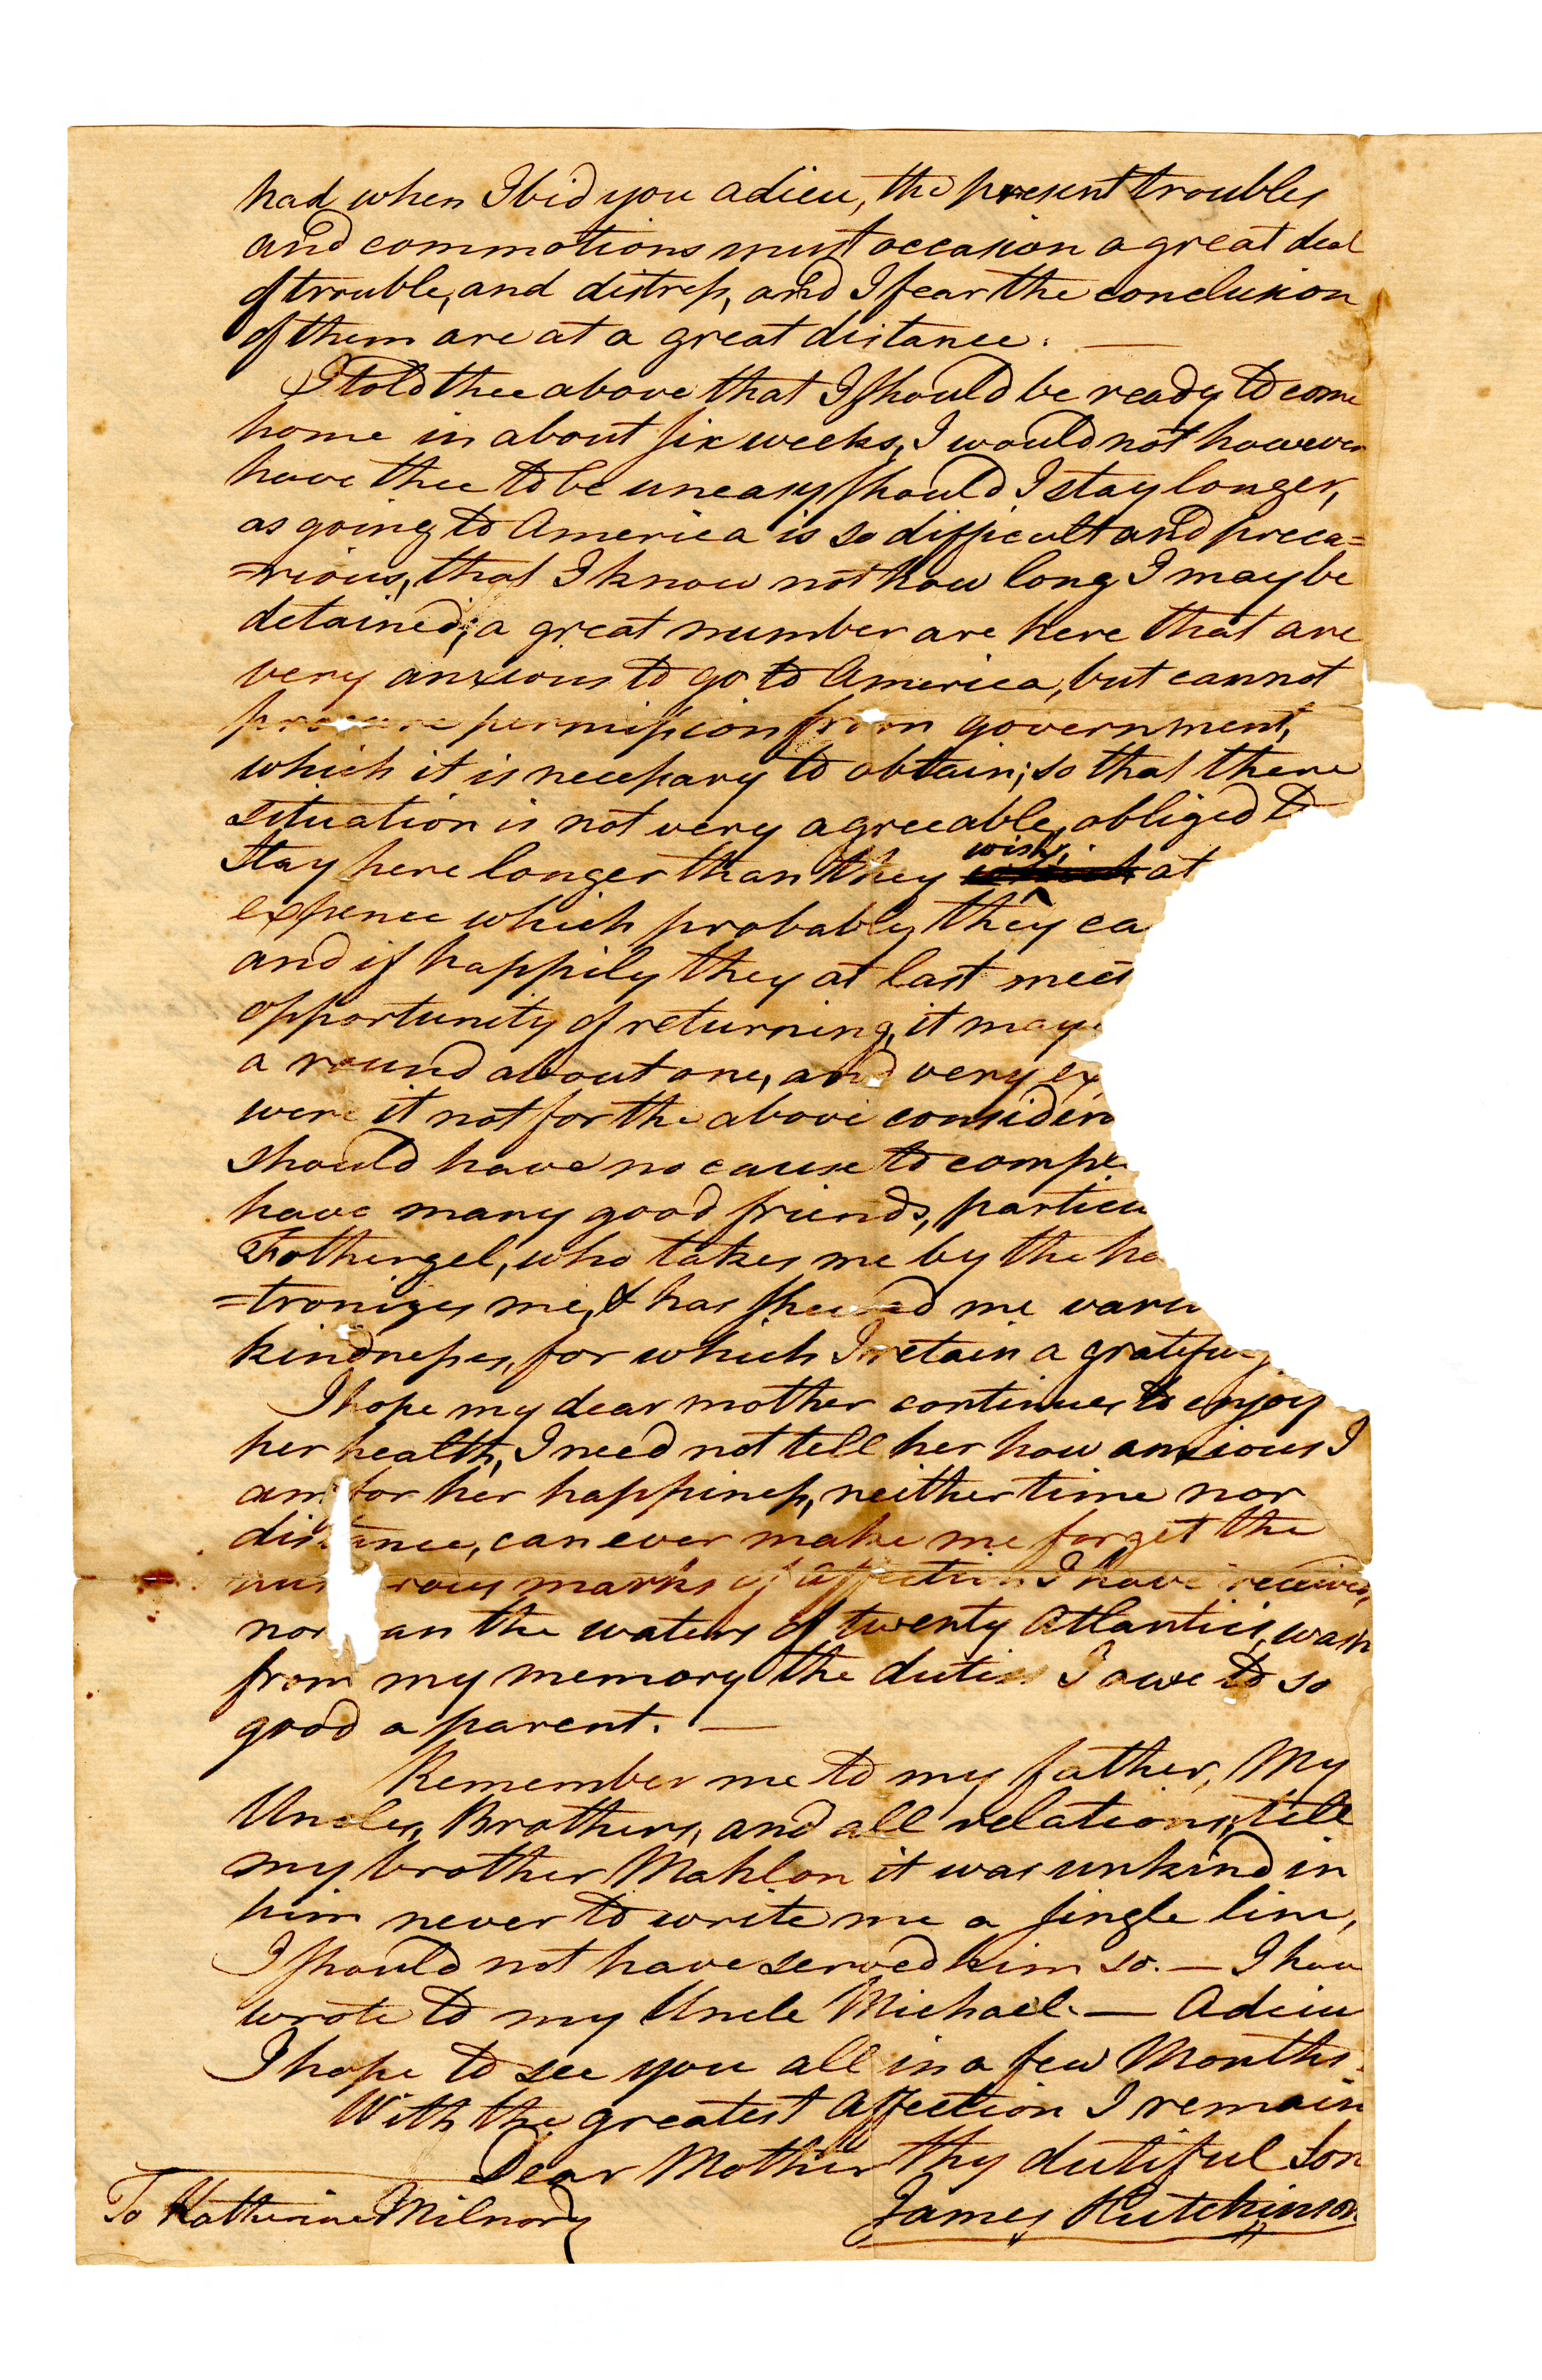had when I bid you adieu, the present troubles
and commotions must occasion a great deal
of trouble, and distress, and I fear the conclusion
of them are at a great distance.-
I told thee above that I should be ready to come
home in about six weeks, I would not however
have thee to be uneasy should I stay longer,
as going to America is difficult and preca-
-rious, that I know not how long I may be
detained; a great number are here that are
very anxious to go to America, but cannot
procure permission from government,
which it is necessary to obtain; so that there
situation is not very agreeable, obliged to
stay here longer than they ^ [which] at
wish,
expence which probably they ca
and if happily they at last mee
opportunity of returning, it may
a round about one, and very ex
were it not for the above consider
should have no cause to compl
have many good friends, particu
Fothergel, who takes me by the ha
-tronizes me, & has shewed me var
kindness, for which I retain a gratefu
I hope my dear mother continues to enjoy
her health, I need not tell her how anxious I
am for her happiness, neither time nor
distance, can ever make me forget the
nu[__]rous marks of affection I have received,
nor [_]an the waters of twenty Atlantics wash
from my memory the duties I owe to so
good a parent.-
Remember me to my father, My
Uncles, Brothers, and all relations, tell
my brother Mahlon it was unkind in
him never to write me a single line,
I should not have served him so.- I have
wrote to my Uncle Michael.- Adieu
I hope to see you all in a few Months
With the greatest Affection, I remain
Dear Mother thy dutiful Son
James Hutchinson
To Katherine Milnor